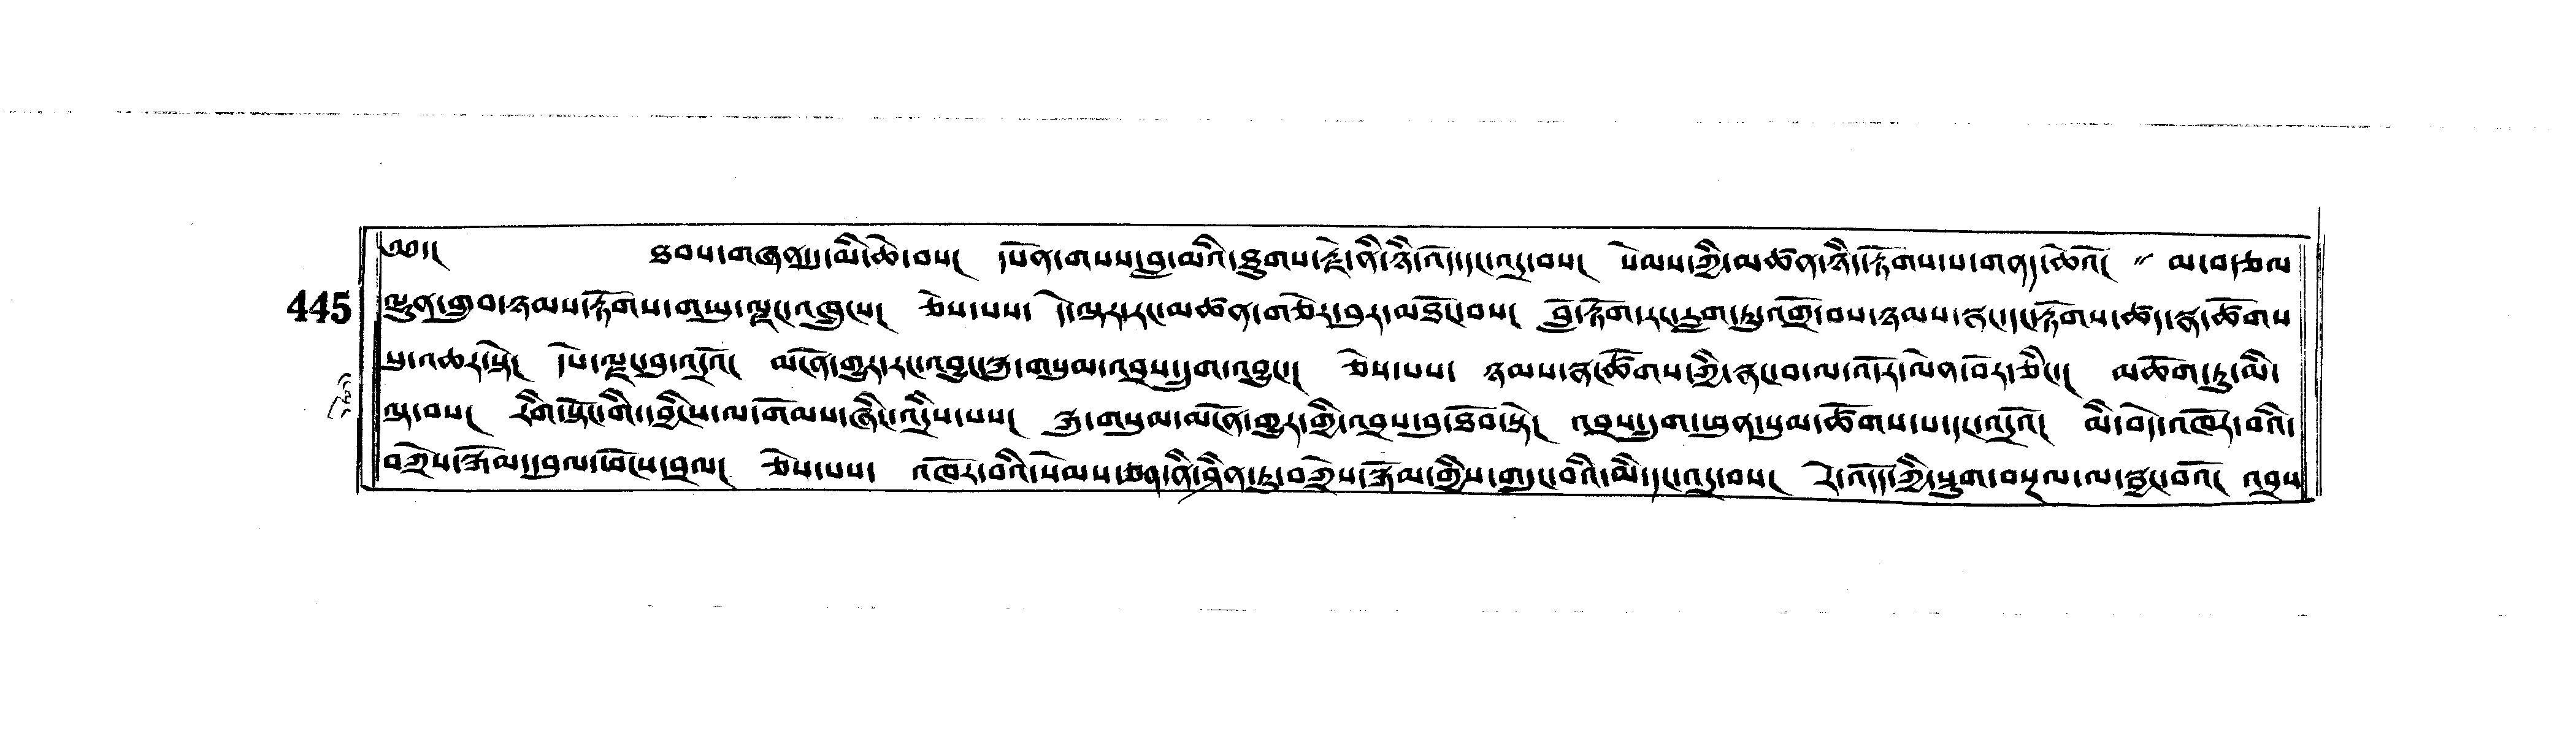ཐབས་གཞན་དུ་མི་ཆེ་བས། དཔོན་གསས་བླ་མའི་ཐུགས་རྗེ་ནི་ཉི་འོད་དང་འདྲ་བས། སེམས་ཀྱི་མཚན་ཉིད་རྟོགས་པ་ནི་གནད་ཆེའོ། མ་བཙལ་
ལྷུན་གྲུབ་ཉམས་རྟོགས་གཡུ་ལྗང་འཁྲུངས། ཅེས་པས། དེ་ལྟར་རང་མཚན་གཅེར་བུར་མཐོང་བས། བློ་རྟོག་རང་བརླག་ཏུ་འགྲོ་བས། ཉམས་སྣང་དང་རྟོགས་ཚད་སྣ་ཚོགས་
སུ་འཆར་ཏེ། དཔེ་ལྗང་བུ་འདྲའོ། མངོན་གྱུར་རང་འབྱུང་སྐུ་གསུམ་འབྲས་དྲུག་འབྱུང་། ཅེས་པས། ཉམས་སྣང་སྣ་ཚོགས་ཀྱི་སྣང་བ་ལ་འདོར་ལེན་བོར་ཅིང་། མཆོག་ཏུ་མི་
གཡོ་ལྟ་བས་རིག་སྟོང་གི་དབྱིངས་ལ་གོམས་ཤིང་འདྲིས་པས། སྐུ་གསུམ་མངོན་གྱུར་གྱི་འབྲས་བུ་ཐོབ་སྟེ། འབྲས་དྲུག་ཕུན་སུམ་ཚོགས་པ་དང་འདྲའོ། མི་བདེ་འཁོར་བའི་
བཀྲེས་སྐོམ་དབུལ་ཕོངས་བྲལ། ཅེས་པས། འཁོར་བའི་སེམས་ཅན་ནི་ཤིན་ཏུ་བཀྲེས་སྐོམ་གྱིས་གདུང་བའི་མི་དང་འདྲ་བས། རེ་འདོད་ཀྱི་སྡུག་བསྔལ་ལ་སྦྱང་བའོ། འབྲས་